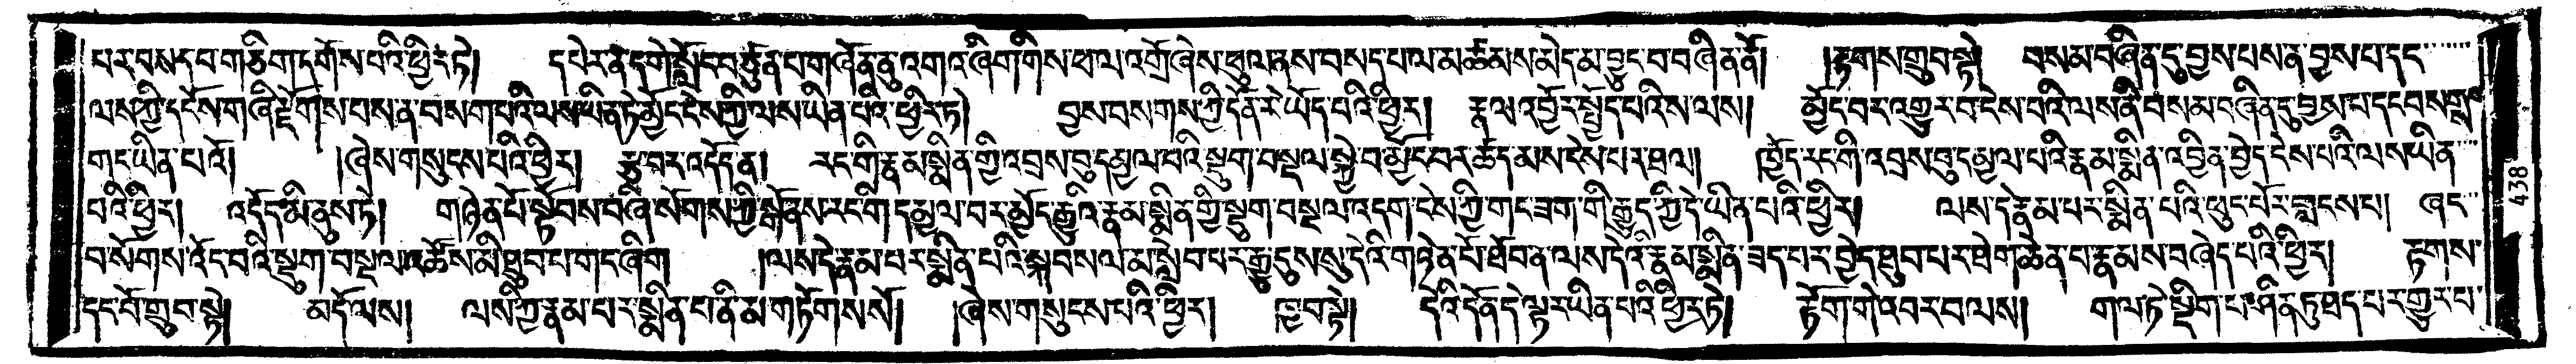པར་བསད་པ་གཅིག་དགོས་པའི་ཕྱིར་ཏེ། དཔེར་ན་དགེ་སློང་བཙུན་པ་གཞོན་ནུ་འགའ་ཞིག་གིས་ཕལ་འགྲོ་ཞེས་ཕུལ་ནས་བསད་པ་ལ་མཚམས་མེད་མ་བྱུང་བ་བཞིན་ནོ། །རྟགས་གྲུབ་སྟེ། བསམ་བཞིན་དུ་བྱས་པས་ན་བྱས་པ་དང་
ལས་ཀྱི་དངོས་གཞི་རྫོགས་པས་ན་བསག་པའི་ལས་ཡིན་ཏེ་མྱོང་ངེས་ཀྱི་ལས་ཡིན་པའི་ཕྱིར་ཏེ། བྱས་བསགས་ཀྱི་དོན་རེ་ཡོད་པའི་ཕྱིར། རྣལ་འབྱོར་སྤྱོད་པའི་ས་ལས། མྱོང་བར་འགྱུར་བ་ངེས་པའི་ལས་ནི་བསམ་བཞིན་དུ་བྱས་པ་དང་བསགས་
གང་ཡིན་པའོ། །ཞེས་གསུངས་པའི་ཕྱིར། རྩ་བར་འདོད་ན། རང་གི་རྣམ་སྨིན་གྱི་འབྲས་བུ་དམྱལ་བའི་སྡུག་བསྔལ་སྐྱེ་བ་མྱོང་བར་ཚད་མས་ངེས་པར་ཐལ། ཁྱོད་རང་གི་འབྲས་བུ་དམྱལ་བའི་རྣམ་སྨིན་འབྱིན་བྱེད་ངེས་པའི་ལས་ཡིན་
པའི་ཕྱིར། འདོད་མི་ནུས་ཏེ། གཉེན་པོ་སྟོབས་བཞི་སོགས་ཀྱི་སྒོ་ནས་རང་གི་དམྱལ་བར་མྱོང་རྒྱུའི་རྣམ་སྨིན་གྱི་སྡུག་བསྔལ་འདག་ངེས་ཀྱི་གང་ཟག་གི་རྒྱུད་ཀྱི་དེ་ཡིན་པའི་ཕྱིར། ལས་དེ་རྣམ་པར་སྨིན་པའི་ཕུང་པོར་བླངས་པ། ཞང་
བ་སོགས་འོང་བའི་སྡུག་བསྔལ་འཚོས་མི་ཐུབ་པ་གང་ཞིག །ལས་དེ་རྣམ་པར་སྨིན་པའི་སྐབས་ལ་མ་སླེབ་པར་རྒྱུ་དུས་སུ་དེའི་གཉེན་པོ་ཐོབ་ན་ལས་དེའི་རྣམ་སྨིན་ཟད་པར་བྱེད་ཐུབ་པར་ཐེག་ཆེན་པ་རྣམས་བཞེད་པའི་ཕྱིར། རྟགས་
དང་པོ་གྲུབ་སྟེ། མདོ་ལས། ལས་ཀྱི་རྣམ་པར་སྨིན་པ་ནི་མ་གཏོགས་སོ། །ཞེས་གསུངས་པའི་ཕྱིར། ཁྱབ་སྟེ། དེའི་དོན་དེ་ལྟར་ཡིན་པའི་ཕྱིར་ཏེ། རྟོག་གེ་འབར་བ་ལས། གལ་ཏེ་སྡིག་པ་ཤིན་ཏུ་ཐད་པར་གྱུར་པ་